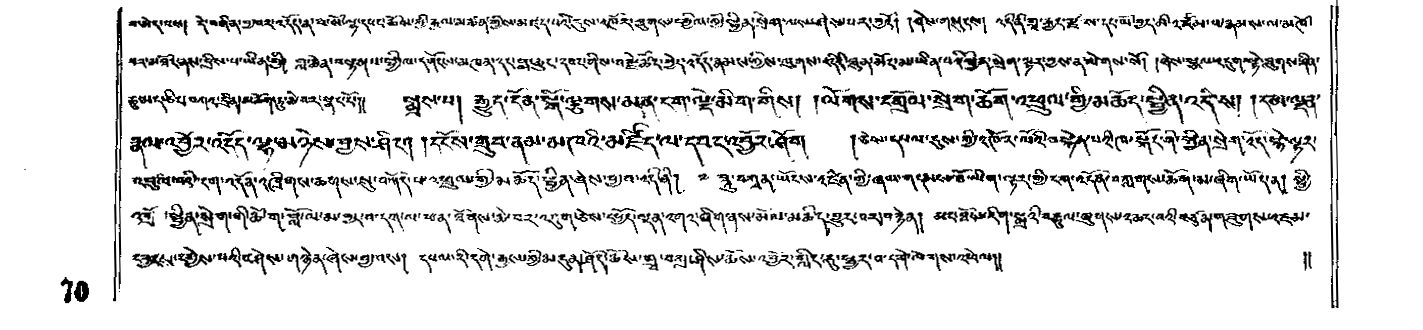བ་མེད་པས། དེ་བཞིན་བྱ་བར་འདོད་ན་བ་སོ་ལྷ་དབང་ཆོས་ཀྱི་རྒྱལ་མཚན་གྱིས་མཛད་པའི་དུས་འཁོར་ཐུགས་དཀྱིལ་གྱི་སྦྱིན་སྲེག་ལས་ཤེས་པར་བྱའོ། །ཞེས་གསུངས། འདི་ནི་གྲྭ་རྐྱང་རྫས་ས་དང་ཡེ་བྱད་མི་འཛམ་པ་རྣམས་ལ་མཁཾ་
བར་མཐོང་ནས་བྲིས་པ་ཡིན་གྱི། བླ་ཆེན་བསྟན་པ་སྤྱི་ལ་དགོངས་མཁན་དང་བླ་ཆུང་དབང་གིས་བརྗེ་ཚོད་བྱེད་འདོད་རྣམས་ཀྱིས་ལུགས་འདིའི་ཐུན་མོང་མ་ཡིན་པའི་སྦྱིན་སྲེག་ལྟར་བྱས་ན་ལེགས་སོ། །ཞེས་སྩལ་འདུག་སྟེ་ཐུགས་ཤིན་
ཆུ་མད་ཅིང་བཀའ་དྲིན། མཆོག་ཏུ་ཆེ་བར་སྣང་ངོ།། སྨྲས་པ། རྒྱུད་དོན་སྒོ་ལྕགས་མན་ངག་ལྡེ་མིག་གིས། །ལོགས་དགྲོལ་སྲེག་ཆོག་འཕྲུལ་གྱི་མཆོད་སྦྱིན་འདིས། །དམ་ལྡན་
རྣལ་འབྱོར་འདོད་ལྷ་མཉེས་བྱས་ཤིང་། །དངོས་གྲུབ་ནམ་མཁའི་མཛོད་ལ་དབང་འབྱོར་ཤོག །ཅེས་དཔལ་དུས་ཀྱི་འཁོར་ལོའི་བསྙེན་པའི་ཁ་སྐོར་གི་སྦྱིན་སྲེག་འོད་སྙེ་ལྟར་
འབུལ་བའི་དག་འདོན་འཁྲིགས་ཆགས་སུ་བཀོད་པ་འཕྲུལ་གྱི་མཆོད་སྦྱིན་ཞེས་བྱ་བ་འདི་ནི། ༧་ཐཱུ་བཀྭན་ཡོངས་འཛིན་གྱི་ཞལ་གདམས་ཐོ་མིག་ལྟར་གྱི་ངག་འདོན་བཀགས་ཆོག་མ་ཞིག་ཡོད་ན། སྤྱི་
འགྲོ་།སྦྱིན་སྲེག་གི་ཆོ་ག་བློ་ལ་མ་བྱང་བ་དག་ལ་ཕན་ཐོགས་ཆེ་བར་འདུག་ཅེས་དཔྱོད་ལྡན་འགའ་ཞིག་ནས་མོལ་མཆོད་བྱུང་བར་བརྟེན། མང་ཐོས་རིག་སྨྲའི་བརྟུལ་ཞུགས་འཆད་པའི་བཙུན་གཟུགས་འཇམ་
དབྱངས་དགྱེས་པའི་ཤེས་གཉེན་ཞེས་བྱ་བས། དཔལ་རི་དགེ་རྒྱས་ཀྱི་མདུན་ཤོད་ཆོས་འགྲྭ་བཀྲ་ཤིས་ཆོས་འབྱོར་གླིང་ཆུ་སྦྱར་བ་དགེ་ལེགས་འཕེལ།། །།